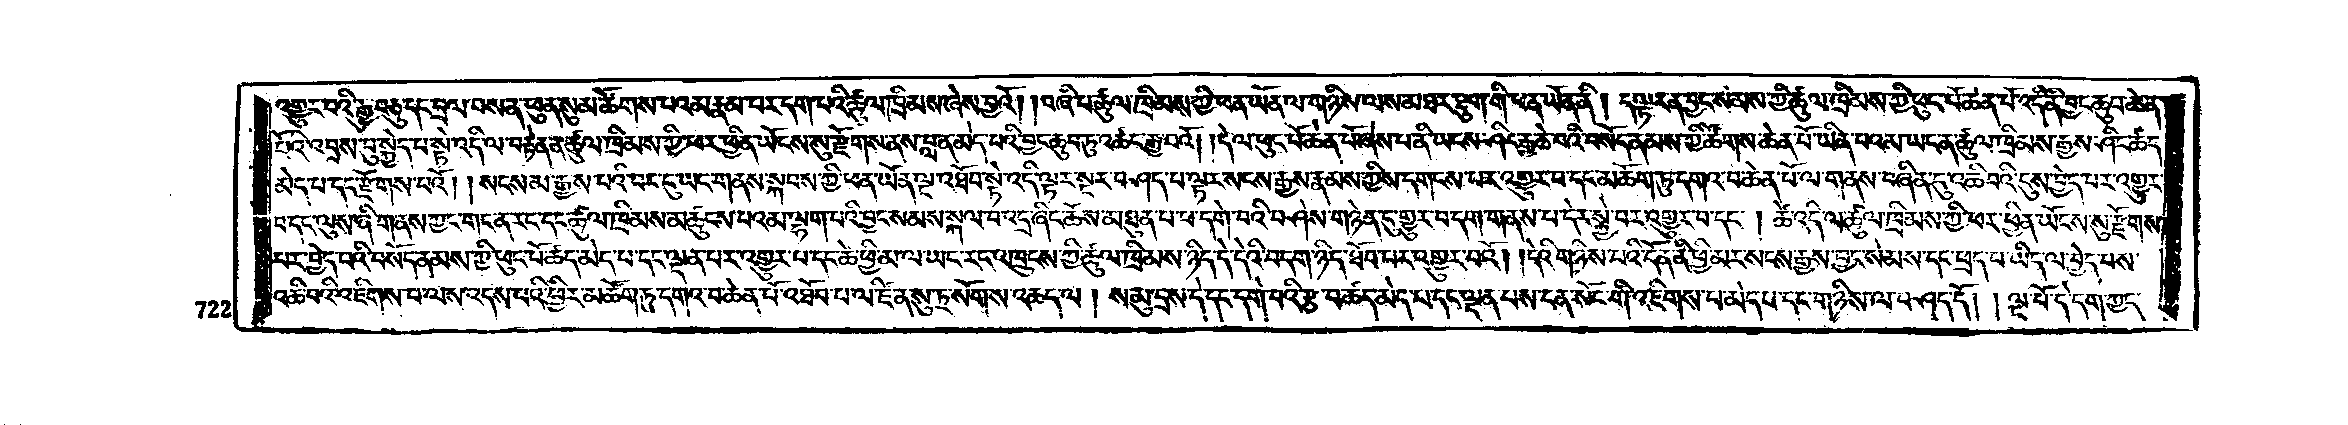འགྱུར་བའི་རྒྱུ་བཅུ་དང་བྲལ་བས་ན་ཕུན་སུམ་ཚོགས་པའམ་རྣམ་པར་དག་པའི་ཚུལ་ཁྲིམས་ཞེས་བྱའོ། །བཞི་པ་ཚུལ་ཁྲིམས་ཀྱི་ཕན་ཡོན་ལ་གཉིས་ལས་མཐར་ཐུག་གི་ཕན་ཡོན་ནི། ད་ལྟར་ན་བྱང་སེམས་ཀྱི་ཚུལ་ཁྲིམས་ཀྱི་ཕུང་པོ་ཆེན་པོ་འདི་ནི་བྱང་ཆུབ་ཆེན་
པོའི་འབྲས་བུ་སྐྱེད་པ་སྟེ་འདི་ལ་བརྟེན་ན་ཚུལ་ཁྲིམས་ཀྱི་ཕར་ཕྱིན་ཡོངས་སུ་རྫོགས་ནས་བླ་ན་མེད་པའི་བྱང་ཆུབ་ཏུ་འཚང་རྒྱ་བའོ། །དེ་ལ་ཕུང་པོ་ཆེན་པོ་ཞེས་པ་ནི་ཡངས་ཤིང་རྒྱ་ཆེ་བའི་བསོད་ནམས་ཀྱི་ཚོགས་ཆེན་པོ་ཡིན་པའམ་ཡང་ན་ཚུལ་ཁྲིམས་རྒྱས་ཤིང་ཚད་
མེད་པ་དང་རྫོགས་པའོ། །སངས་མ་རྒྱས་པའི་བར་དུ་ཡང་གནས་སྐབས་ཀྱི་ཕན་ཡོན་ལྔ་འཐོབ་སྟེ་འདི་ལྟར་སྔར་བཤད་པ་ལྟར་སངས་རྒྱས་རྣམས་ཀྱིས་དགངས་པར་འགྱུར་བ་དང་མཆོག་ཏུ་དགའ་བ་ཆེན་པོ་ལ་གནས་བཞིན་དུ་འཆི་བའི་དུས་བྱེད་པར་འགྱུར་
བ་དང་ལུས་ཞི་གནས་ཀྱང་གང་ན་རང་དང་ཚུལ་ཁྲིམས་མཚུངས་པའམ་ལྷག་པའི་བྱང་སེམས་སྐལ་བ་འདྲ་ཞིང་ཆོས་མཐུན་པ་ཕ་དགེ་བའི་བཤེས་གཉེན་དུ་གྱུར་བ་དག་གནས་པ་དེར་སྐྱེ་བར་འགྱུར་བ་དང་། ཚེ་འདི་ལ་ཚུལ་ཁྲིམས་ཀྱི་ཕར་ཕྱིན་ཡོངས་སུ་རྫོགས་
པར་བྱེད་པའི་བསོད་ནམས་ཀྱི་ཕུང་པོ་ཚད་མེད་པ་དང་ལྡན་པར་འགྱུར་པ་དང་ཚེ་ཕྱི་མ་ལ་ཡང་རང་འཁྲུངས་ཀྱི་ཚུལ་ཁྲིམས་ཉིད་དེ་དེའི་བག་ཉིད་ཐོབ་པར་འགྱུར་བའོ། །དེའི་གཉིས་པའི་དོན་ནི་ཕྱི་མར་སངས་རྒྱས་བྱང་སེམས་དང་ཕྲད་པ་ཡིད་ལ་བྱེད་པས་
འཆི་བའི་འཇིགས་པ་ལས་འདས་པའི་ཕྱིར་མཆོག་ཏུ་དགའ་བ་ཆེན་པོ་འཐོབ་པ་ལ་ཛི་ན་སུ་ཏྲ་སོགས་འཆད་ལ། ས་མུ་དྲས་དེ་དང་དགེ་བའི་རྩ་བ་ཚད་མེད་པ་དང་ལྡན་པས་ངན་སོང་གི་འཇིགས་པ་མེད་པ་དང་གཉིས་ལ་བཤད་དོ། །ལྔ་པོ་དེ་དག་ཀྱན་